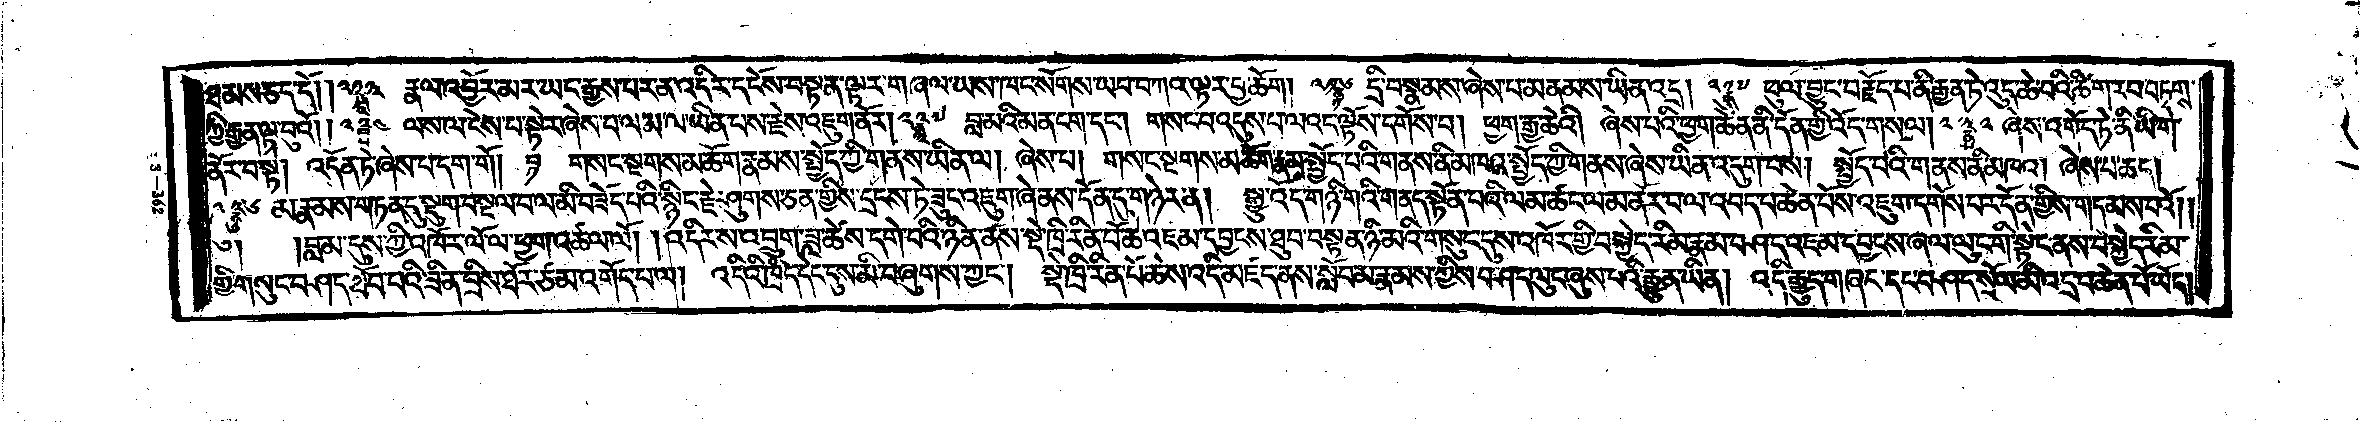ཐམས་ཅད་དོ། །༢༡ན༣་རྣལ་འབྱོར་མར་ཡང་རྒྱས་པར་ན་འདིར་དངོས་བསྟན་ལྟར་གཞལ་ཡས་ཁང་སོགས་ཡབ་བཀའ་ལྟར་བྱ་ཆོག། ༢༡༦ན༡་དྲི་བ་སྣམས་ཞེས་པ་མ་ནམས་ཡིན་འདྲ། ༢༡༧ན་ཕུལ་བྱུང་བརྗོད་པ་ནི་རྒྱན་ཏེ་འུད་ཆེ་བའི་ཚིག་རབ་བཏགས་
ཀྱི་རྒྱན་ལྟ་བུའོ། །༢༡བ༤༥་ལས་ལ་ངེས་པ་སྟེར་ཞེས་བ་ལ་མལ་ཡིན་པས་རྗེས་འཇུག་ནོར། ༢༢ན༣༧་བླ་མའི་མན་ངག་དང་། གསང་བ་འདུས་པ་ལའང་ལྟོས་དགོས་པ། ཕྱག་རྒྱ་ཆེའི། ཞེས་པའི་ཕྱག་ཆེན་ནི་དོན་གྱི་འོད་གསལ། ༢༢ན༢་ཞེས་འགོད་ཏེ་ནི་ཡིག་
ནོར་བ་སྟེ། འདོན་ཏེ་ཞེས་པ་དག་གོ། བ༡་གསང་སྔགས་མཆོག་རྣམས་སྤྱོད་ཀྱི་གནས་ཡིན་ལ། ཞེས་པ། གསང་སྔགས་མཆོག་རྣམས་སྤྱོད་པའི་གནས་ནི་མཁའ་སྤྱོད་ཀྱི་གནས་ཞེས་ཡིན་འདུག་པས། སྤྱོད་པའི་གནས་ནི་མཁའ། ཞེས་པ་ཆད།
༢༣ན༦༦་མ་རྣམས་གཏན་དུ་སྡུག་བསྔལ་བ་མི་བཟོད་པའི་སྙིང་རྗེ་ཤུགས་ཅན་གྱིས་དྲངས་ཏེ་ཟུང་འཇུག་ཞེ་ནས་དོན་དུ་གཉེར་ན། སྒྱུ་འོད་གཉི་གའི་གནད་སྟོན་པའི་ལམ་ཚང་ལམ་ནོར་བ་ལ་འབད་པ་ཆེན་པོས་འཇུག་དགོས་པར་དོན་གྱིས་གདམས་པའོ།།
༄༅། །བླ་མ་དུས་ཀྱི་འཁོར་ལོ་ལ་ཕྱག་འཚལ་ལོ། །འདིར་ས་འབྲུག་ཟླ་ཚེས་དགེ་བའི་ཉིན་ནས་སྡེ་ཁྲི་རིན་པོ་ཆེ་འཇམ་དབྱངས་ཐུབ་བསྟན་ཉི་མའི་གསུང་དུས་འཁོར་གྱི་བསྐྱེད་རིམ་རྣམ་བཤད་འཇམ་དབྱངས་ཞལ་ལུང་གི་སྟེང་ནས་བསྐྱེད་རིམ་
གྱི་གསུང་བཤད་ཐོབ་པའི་ཟིན་བྲིས་ཐོར་ཙམ་འགོད་པ་ལ། འདིའི་ཁྲིད་དེང་དུས་མི་བཞུགས་ཀྱང་། སྡེ་ཁྲི་རིན་པོ་ཆེས་འདི་མཛད་ནས་སློབ་མ་རྣམས་ཀྱིས་བཤད་ལུང་ཞུས་པའི་རྒྱུན་ཡིན། འདི་རྒྱུད་གཞང་དང་བཤད་སྲོལ་མི་འདྲ་བ་ཆེན་པོ་ཡོད།